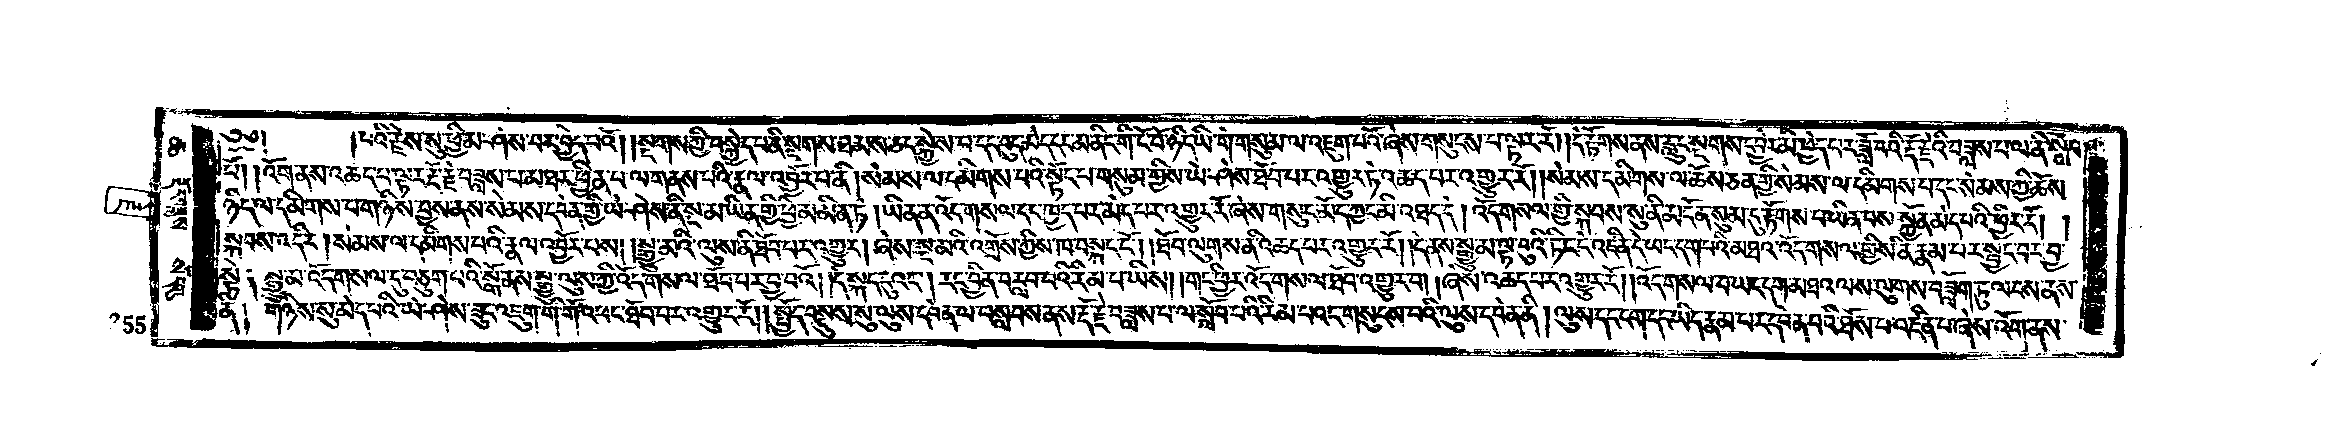༄༅། །པའི་རྗེས་སུ་ཕྱི་མ་ཤེས་པར་བྱེད་པའོ། །སྔགས་ཀྱི་བསྐྱེད་པ་ནི་སྔགས་ཐམས་ཅད་སྐྱེས་པ་དང་བུད་མེད་དང་མ་ནིང་གི་ངོ་བོ་ཉིད་ཡི་གེ་གསུམ་ལ་འཇུག་པའོ་ཞེས་གསུངས་པ་ལྟར་རོ། །དེ་རྟོགས་ནས་རླུང་སྔགས་དབྱེར་མི་ཕྱེད་པར་ཟློ་བའི་རྡོ་རྗེའི་བཟླས་པ་ལ་ནི་སློབ་
པོ། །འོག་ནས་འཆད་པ་ལྟར་རྡོ་རྗེ་བཟླས་པ་མཐར་ཕྱིན་པ་ལ་གནས་པའི་རྣལ་འབྱོར་པ་ནི། སེམས་ལ་དམིགས་པའི་སྟོང་པ་གསུམ་གྱིས་ཡེ་ཤེས་ཐོབ་པར་འགྱུར་ཏེ་འཆད་པར་འགྱུར་རོ། །སེམས་དམིགས་ལ་ཆོས་ཅན་གྱི་སེམས་ལ་དམིགས་པ་དང་སེམས་ཀྱི་ཆོས་
ཉིད་ལ་དམིགས་པ་གཉིས་བྱས་ནས་སེམས་དབེན་གྱི་ཡེ་ཤེས་ནི་སྔ་མ་ཡིན་གྱི་ཕྱི་མ་མིན་ཏེ། ཡིན་ན་འོད་གསལ་དང་ཁྱད་པར་མེད་པར་འགྱུར་རོ་ཞེས་གསུང་མོད་ཀྱང་མི་འཐད་དེ། འོད་གསལ་གྱི་སྐབས་སུ་ནི་མངོན་སུམ་དུ་རྟོགས་པ་ཡིན་པས་སྐྱོན་མེད་པའི་ཕྱིར་རོ། །
སྐབས་འདིར། སེམས་ལ་དམིགས་པའི་རྣལ་འབྱོར་པས། །སྒྱུ་མའི་ལུས་ནི་ཐོབ་པར་འགྱུར། ཞེས་སྔ་མའི་འགྲོས་ཀྱིས་ཁ་བསྐང་ངོ། །ཐོབ་ལུགས་ནི་འཆད་པར་འགྱུར་རོ། །དེ་ནས་སྒྱུ་མ་ལྟ་བུའི་ཏིང་ངེ་འཛིན་དེ་ཡང་དག་པའི་མཐའ་འོད་གསལ་གྱིས་ནི་རྣམ་པར་སྦྱང་བར་བྱ་
སྟེ། སྒྱུ་མ་འོད་གསལ་དུ་བཅུག་པའི་སྒོ་ནས་སྒྱུ་ལུས་ཀྱི་འོད་གསལ་ཐོབ་པར་བྱ་བའོ། །དེ་སྐད་དུའང་། རང་བྱིན་བརླབ་པའི་རིམ་པ་ཡིས། །གང་ཕྱིར་འོད་གསལ་ཐོབ་འགྱུར་བ། །ཞེས་འཆད་པར་འགྱུར་རོ། །འོད་གསལ་བ་ཡང་དག་མཐའ་ལས་ལུགས་བཟློག་ཏུ་ལངས་ནས་
ནི། གཉིས་སུ་མེད་པའི་ཡེ་ཤེས་ཟུང་འཇུག་གི་གོ་འཕང་ཐོབ་པར་འགྱུར་རོ། །སྤྱོད་བསྡུས་སུ་ལུས་དབེན་ལ་བསླབས་ནས་རྡོ་རྗེ་བཟླས་པ་ལ་སློབ་པའི་རིམ་པའང་གསུངས་པའི་ལུས་དབེན་ནི། ལུས་དང་ངག་དང་ཡིད་རྣམ་པར་དབེན་པའི་ཐོས་པ་འཛིན་པ་ཞེས་འོག་ནས་